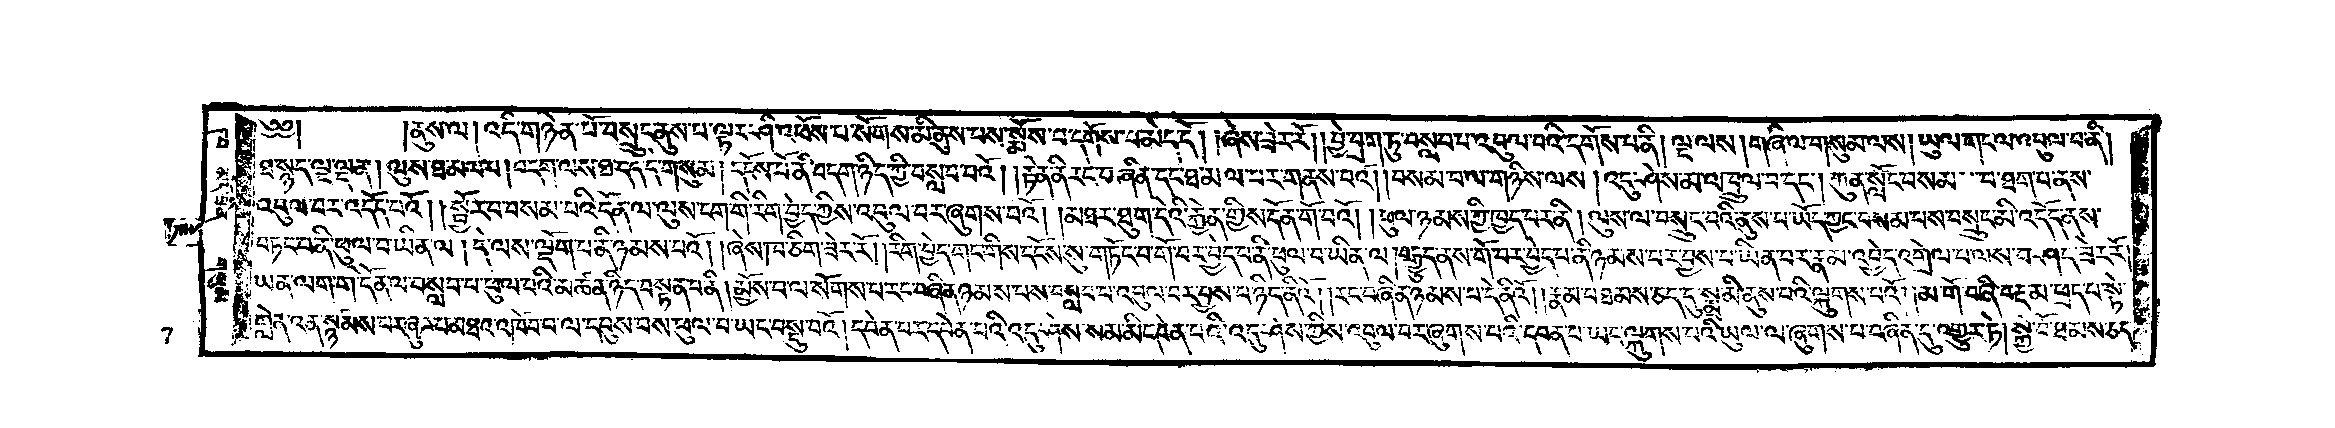༄༅། །ནུས་ལ། འདི་གཉེན་པོ་བསྲུང་ནུས་པ་ལྟར་ཤི་འཕོས་པ་སོགས་མི་ནུས་པས་སྨོས་པ་དགོས་བ་མེད་དོ། །ཞེས་ཟེར་རོ། །བྱེ་བྲག་ཏུ་བསླབ་པ་འབུལ་བའི་དགོས་པ་ནི། ལྔ་ལས། གཞི་ལ་གསུམ་ལས། ཡུལ་གང་ལ་འབུལ་བ་ནི།
ཐ་སྙད་ལྔ་ལྡན། ལུས་ཐ་མལ་པ། བདག་ལས་ཐ་འདོད་གསུམ། དངོས་པོ་ནི་བདག་ཉིད་ཀྱི་བསླབ་པའོ། །རྟེན་ནི་རང་བཞིན་དང་ཐ་མལ་པར་གནས་པའོ། །བསམ་པ་ལ་གཉིས་ལས། འདུ་ཤེས་མ་འཁྲུལ་བ་དང་། ཀུན་སློང་བསམ་པ་ཐག་པ་ནས་
འབུལ་བར་འདོད་པའོ། །སྦྱོར་བ་བསམ་པའི་དོན་ལ་ལུས་ངག་གི་རིག་བྱེད་ཀྱིས་འབུལ་བར་ཞུགས་པའོ། །མཐར་ཐུག་དེའི་རྐྱེན་གྱིས་དོན་གོ་བའོ། །ཕུལ་ཉམས་ཀྱི་ཁྱད་པར་ནི། ལུས་ལ་བསྲུང་བའི་ནུས་པ་ཡོད་ཀྱང་བསམ་པས་བསྲུང་མི་འདོད་ནས་
བཏང་བ་ནི་ཕུལ་བ་ཡིན་ལ། དེ་ལས་ལྡོག་པ་ནི་ཉམས་པའོ། །ཞེས་ཁ་ཅིག་ཟེར་རོ། །རིག་བྱེད་གང་གིས་དངོས་སུ་གཏོང་བ་གོ་བར་བྱེད་པ་ནི་ཕུལ་བ་ཡིན་ལ། བརྒྱུད་ནས་གོ་བར་བྱེད་པ་ནི་ཉམས་པར་བྱས་པ་ཡིན་པར་རྣམ་འབྱེད་འགྲེལ་པ་ལས་བཤད་ཟེར་རོ།
ཡན་ལག་གི་དོན་ལ་བསླབ་པ་ཕུལ་བའི་མཚན་ཉིད་བསྟན་པ་ནི། མྱོས་པ་ལ་སོགས་པ་རང་བཞིན་ཉམས་པས་བསླབ་པ་འབུལ་བར་བྱས་པ་ཉིད་ནིའོ། །རང་བཞིན་ཉམས་པ་དེ་ནིའོ། །རྣམ་པ་ཐམས་ཅད་དུ་སྨྲ་མི་ནུས་པའི་ལྐུགས་པའོ། །མ་གོ་བ་ནི་བརྡ་མ་ཕྲད་པ་སྟེ་
གླེན་འོན་སྙོམས་པར་ཞུག་པ་མཐའ་འཁོབ་པ་ལ་དབུས་པས་ཕུལ་བ་ཡང་བསྡུ་བའོ། །དབེན་པར་དབེན་པའི་འདུ་ཤེས་སམ་མི་དབེན་པའི་འདུ་ཤེས་ཀྱིས་འབུལ་བར་ཞུགས་པའི་དབེན་པ་ཡང་ལྐུགས་པའི་ཡུལ་ལ་ཞུགས་པ་བཞིན་དུ་འགྱུར་ཏེ། སྐྱེ་བོ་ཐམས་ཅད་